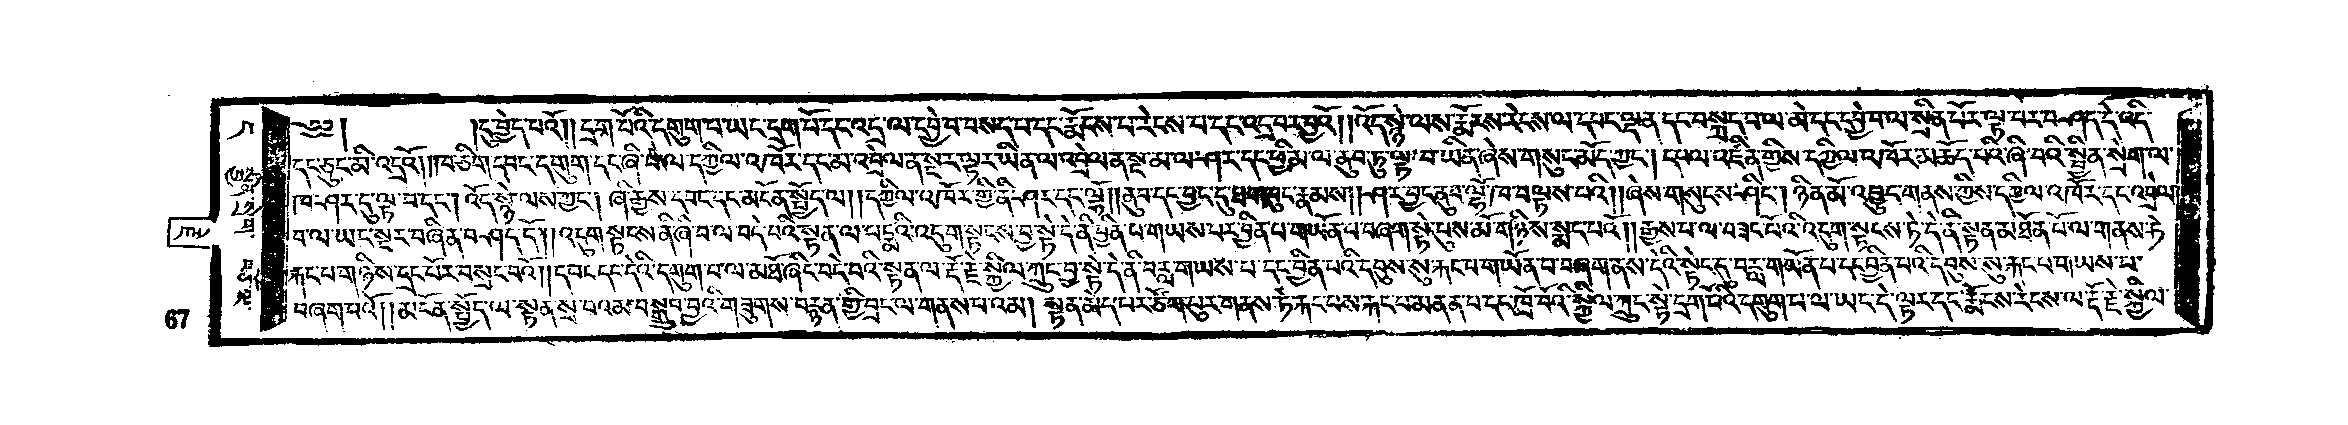༄༅། །དུ་བྱེད་པའོ། །དྲག་པོའི་དགུག་པ་ཡང་དྲག་པོ་དང་འདྲ་ལ་དབྱེ་བ་བསད་པ་དང་རྨོངས་པ་རེངས་པ་དང་འདྲ་བར་བྱའོ། །འོད་སྙེ་ལས་རྨོངས་རེངས་ལ་དབང་ལྡན་དང་བསྐྲད་པ་ལ་མེ་དང་དབྱེ་བ་ལ་སྲིན་པོར་ལྟ་བར་བཤད་དེ་འདི་
དང་ཅུང་མི་འདྲའོ། །ཁ་ཅིག་དབང་དགུག་དང་ཞི་པ་ལ་དཀྱིལ་འཁོར་དང་མ་འབྲེལ་ན་སྔར་ལྟར་ཡིན་ལ་འབྲེལ་ན་སྔ་མ་ལ་ཤར་དང་ཕྱི་མ་ལ་ནུབ་ཏུ་ལྟ་བ་ཡིན་ཞེས་གསུང་མོད་ཀྱང་། དཔལ་འཛིན་གྱིས་དཀྱིལ་འཁོར་མཆོད་པའི་ཞི་བའི་སྦྱིན་སྲེག་ལ་
ཁ་ཤར་དུ་ལྟ་བ་དང་། འོད་སྙེ་ལས་ཀྱང་། ཞི་རྒྱས་དབང་དང་མངོན་སྤྱོད་ལ། །དཀྱིལ་འཁོར་གྱི་ནི་ཤར་དང་ལྷོ། །ནུབ་དང་བྱང་དུ་ཐབ་ཁུང་རྣམས། །ཤར་བྱང་ནུབ་ལྷོ་ཁ་བལྟས་པའི། །ཞེས་གསུངས་ཤིང་། ཉིན་མོ་འབྱུང་གནས་ཀྱིས་དཀྱིལ་འཁོར་དང་འབྲེལ་
བ་ལ་ཡང་སྔར་བཞིན་བཤད་དོ། །འདུག་སྟངས་ནི་ཞི་བ་ལ་བདེ་བའི་སྟན་ལ་པདམའི་འདུག་སྟངས་བྱ་སྟེ་དེ་ནི་བྱིན་པ་གཡས་པར་བྱིན་པ་གཡོན་པ་བཞག་སྟེ་པུས་མོ་གཉིས་སྨད་པའོ། །རྒྱས་པ་ལ་བཟང་པོའི་འདུག་སྟངས་ཏེ་དེ་ནི་སྟན་མཐོན་པོ་ལ་གནས་ཏེ་
རྐང་པ་གཉིས་དྲང་པོར་བསྲང་བའོ། །དབང་དང་དེའི་དགུག་པ་ལ་མཐོ་ཞིང་བདེ་བའི་སྟན་ལ་རྡོ་རྗེ་སྐྱིལ་ཀྲུང་བྱ་སྟེ་དེ་ནི་བརླ་གཡས་པ་དང་བྱིན་པའི་དབུས་སུ་རྐང་པ་གཡོན་པ་བཞག་ནས་དེའི་སྟེང་དུ་བརླབ་གཡོན་པ་དང་བྱིན་པའི་དབུས་སུ་རྐང་པ་གཡས་པ་
བཞག་པའོ། །མངོན་སྤྱོད་ལ་སྟན་སྲ་བའམ་བསྒྲུབ་བྱའི་གཟུགས་བརྙན་གྱི་བྲང་ལ་གནས་པ་འམ། སྟན་མེད་པར་ཙོག་པུར་གནས་ཏེ་རྐང་པས་རྐང་པ་མནན་པ་དང་ཁྲོ་བོའི་སྐྱིལ་ཀྲུང་སྟེ་དྲག་པོའི་དགུག་པ་ལ་ཡང་དེ་ལྟར་དང་རྨོངས་རེངས་ལ་རྡོ་རྗེ་སྐྱིལ་